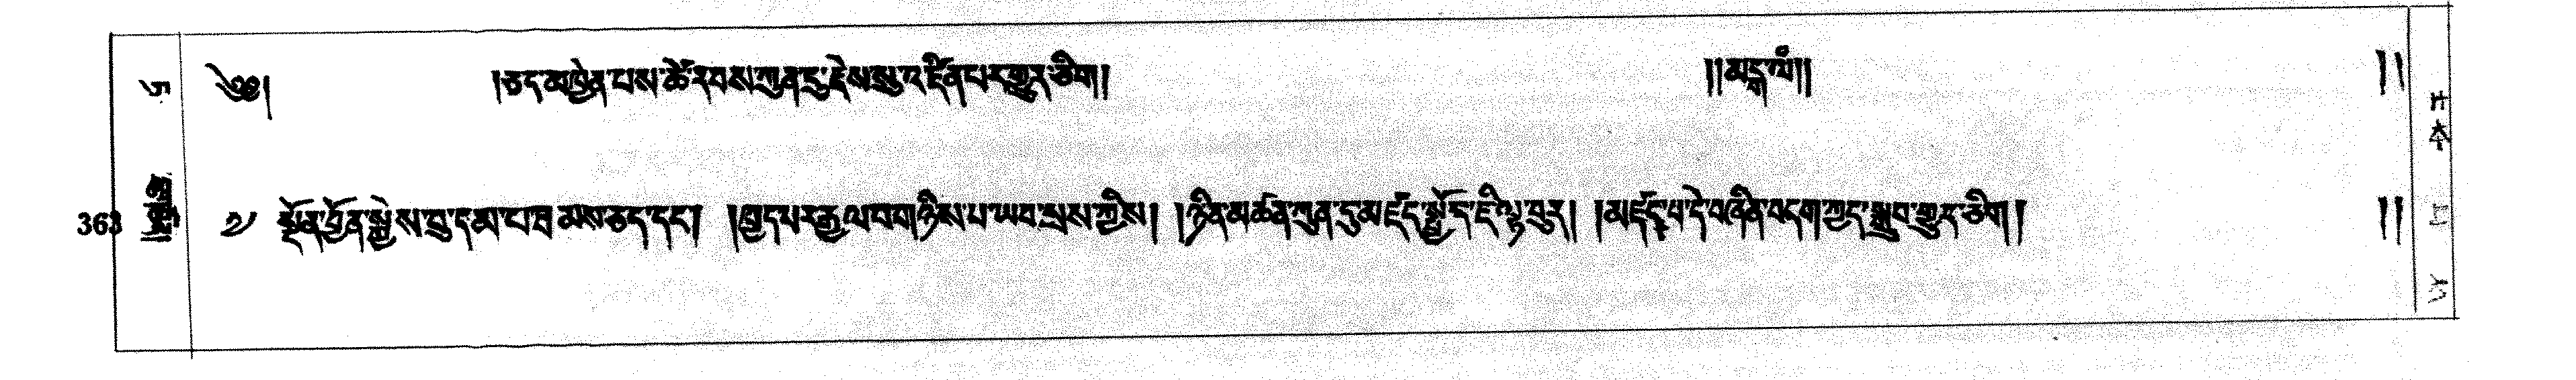༄༅། །ཅད་མཁྱེན་པས་ཚེ་རབས་ཀུན་དུ་རྗེས་སུ་འཛིན་པར་གྱུར་ཅིག། །།མངྒ་ལཾ།། །།
༧་སྔོན་བྱོན་སྐྱེས་བུ་དམ་པ་ཐམས་ཅད་དང་། །ཁྱད་པར་རྒྱལ་བ་གཉིས་པ་ཡབ་སྲས་ཀྱིས། །ཉིན་མཚན་ཀུན་དུ་མཛད་སྤྱོད་ཇི་ལྟ་བུར། །མཛད་པ་དེ་བཞིན་བདག་ཀྱང་སྒྲུབ་གྱུར་ཅིག། །།